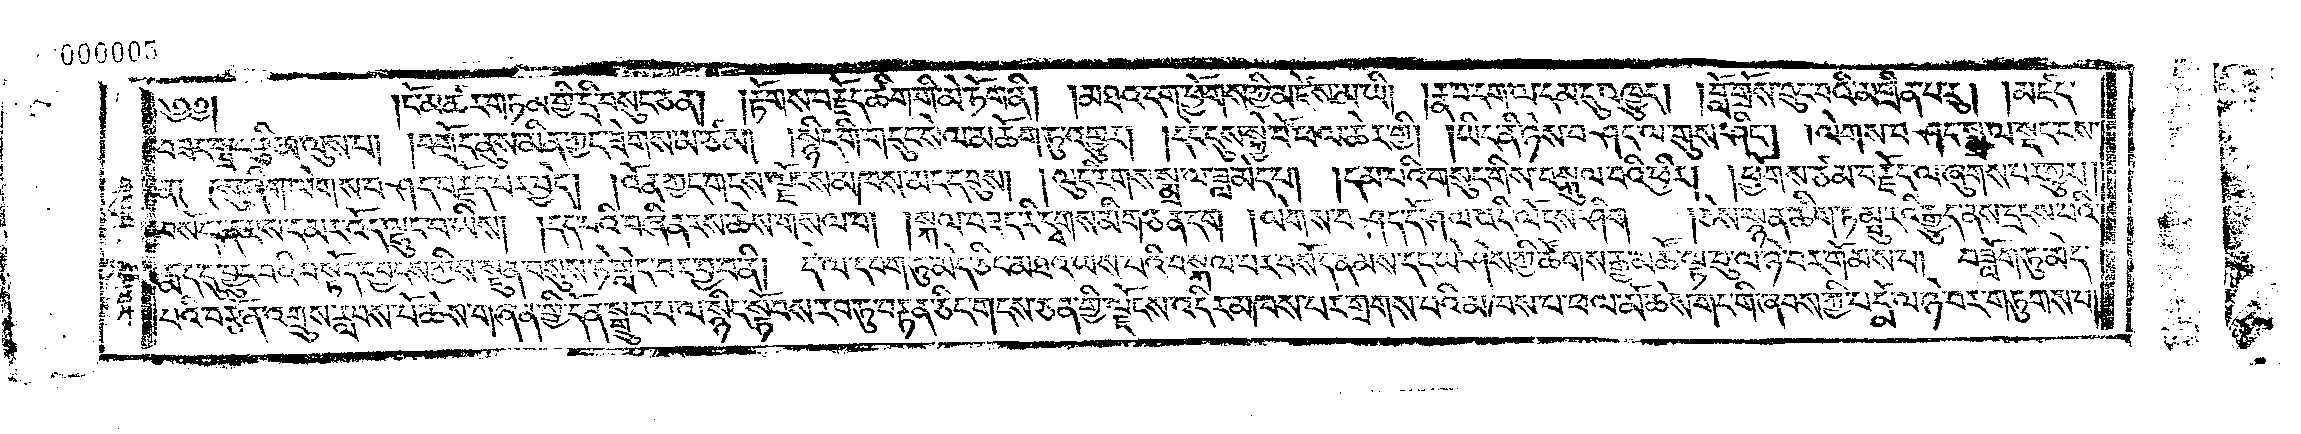༄༅། །ངོ་མཚར་གཏམ་གྱི་དྲི་བསུང་ཅན། །རྟོགས་བརྗོད་ཚིག་གི་མེ་ཏོག་ནི། །མཐའ་དག་ཕྱོགས་ཀྱི་མཛེས་མ་ཡི། །རྣ་བ་དག་ལ་དམ་དུ་འཁྱུད། །བློ་གྲོས་བུང་བའི་མགྲིན་པ་རུ། །མཛད་
བཟང་སྤྲང་རྩི་མ་ལུས་པ། །བགྲོད་ནུས་མིན་ཀྱང་ཟེགས་མ་ཙམ། །སྙིང་གི་གདུང་སེལ་མཆོག་ཏུ་འགྱུར། །དེང་དུས་སྐྱེ་བོ་ཕལ་ཆེར་གྱི། །ཡིད་ནི་ཉེས་བཤད་ལ་གུས་ཤིང་། །ལེགས་བཤད་སྨྲ་ལ་སྡང་ངས་
ན༑ ༑སུ་ཞིག་ལེགས་བཤད་བརྗོད་པར་བྱེད། །འོན་ཀྱང་གངས་ལྗོངས་མཁས་མང་དབུས། །ལུང་རིགས་སྨྲ་ལ་ཟླ་མེད་པ། །དམ་པའི་གསུང་གིས་བསྐུལ་བའི་ཕྱིར། །ཕྱོགས་ཙམ་བརྗོད་ལ་ཞུགས་པར་གྱུར། །
བསོད་ནམས་དམར་འོད་ལྷུང་བ་ཡིས། །དད་པའི་བཞིན་རས་ཆེས་གསལ་བ། །སྐལ་བཟང་རི་དྭགས་མིག་ཅན་དག །ལེགས་བཤད་དོ་ཤལ་འདི་ལོངས་ཤིག །ཅེས་སྙན་ཆིག་ཏ་མྦུ་རའི་རྒྱུད་ནས་དྲངས་པའི་
རྨད་དུ་བྱུང་བའི་བསྟོད་དབྱངས་ཀྱིས་སྡུན་བསུས་ཏེ་གླེང་བར་བྱ་བ་ནི། དེ་ལ་དཔག་ཏུ་མེད་ཅིང་མཐའ་ཡས་པའི་བསྐལ་བར་བསོད་ནམས་དང་ཡེ་ཤེས་ཀྱི་ཚོགས་རྒྱ་མཚོ་ལྟ་བུ་ལ་ཉེ་བར་གོམས་པ། བཟློག་ཏུ་མེད་
པའི་བརྩོན་འགྲུས་རླབས་པོ་ཆེས་གཞན་གྱི་དོན་སྒྲུབ་པ་ལ་སྙིང་སྟོབས་རབ་ཏུ་བརྟན་ཅིང་གངས་ཅན་གྱི་ལྗོངས་འདིར་མཁས་པར་གྲགས་པའི་མཁས་པ་ཕལ་མོ་ཆེས་གང་གི་ཞབས་ཀྱི་པདམོ་ལ་ཉེ་བར་གཏུགས་པ་